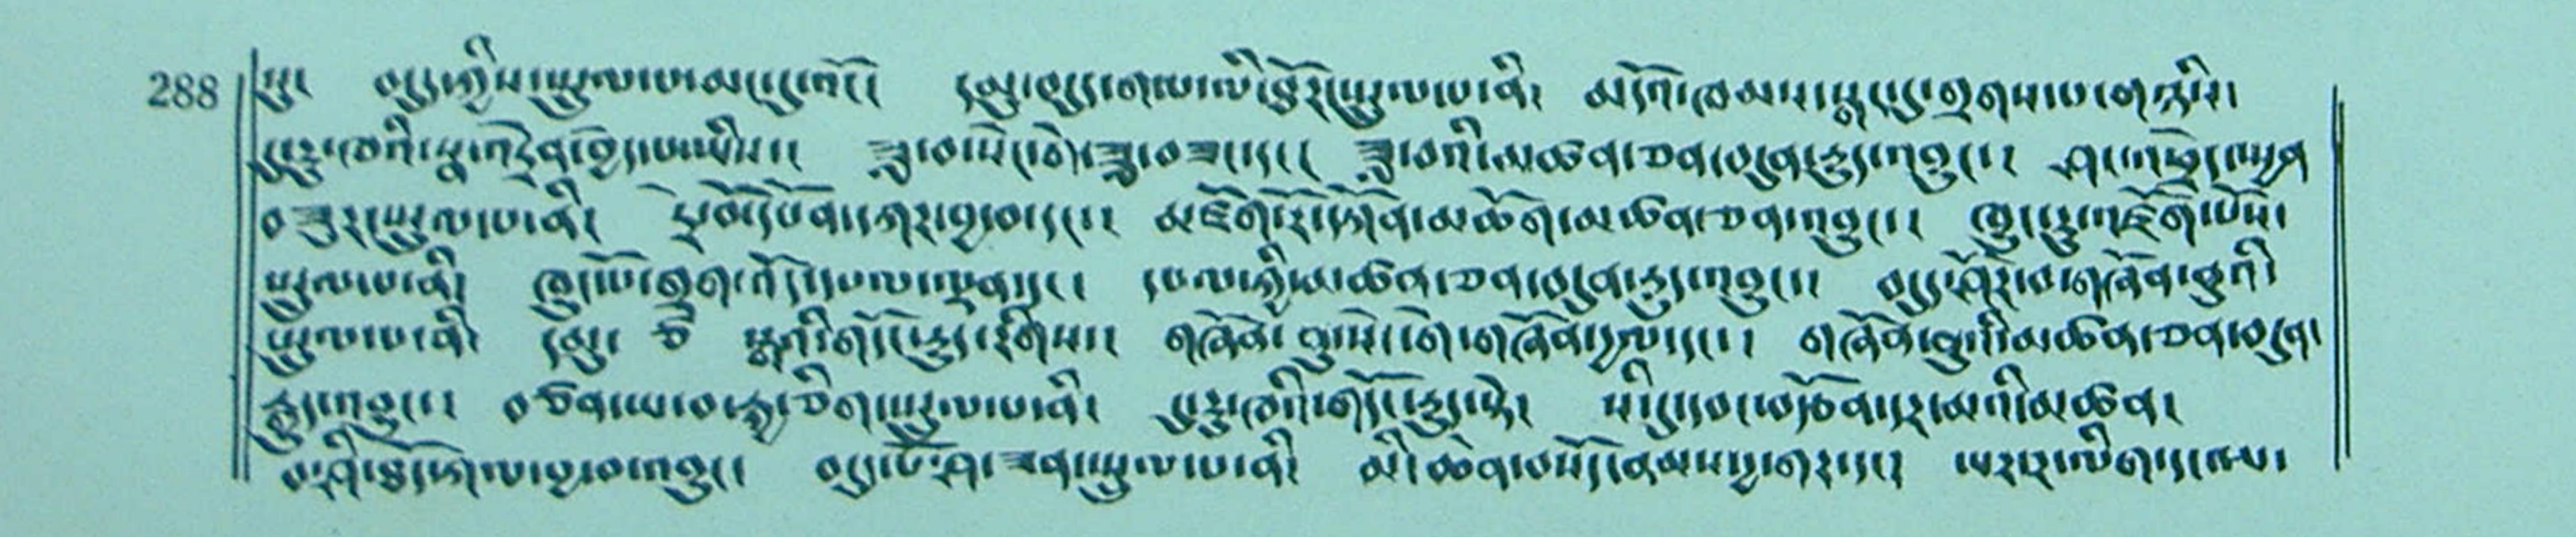སུ། བདུད་ཀྱི་སྤྲུལ་པ་མང་དུ་འོང་། དམུ་བདུད་གབ་པ་ལི་ཐོར་སྤྲུལ་པ་ནི། མདོ་གམ་སྒང་དུ་གྲགས་པ་གཉིས། 
དུ་རུ་ཁའི་སྣ་འདྲེན་བྱེད་པ་ཡིས། ཟླ་བ་སེང་གེ་ཟླ་བཟང་དང་། ཟླ་བའི་མཚན་ཅན་བདུན་རྒྱུད་འབྱུང་། ཤང་འཕྲེད་སྤྱན་
བཟུར་སྤྲུལ་པ་ནི། དྲེ་བོ་དཔོན་ཀར་བྱ་བ་དང་། མཛོག་རོ་དཀོན་མཆོག་མཚན་ཅན་འབྱུང་། ཁྱུང་རུ་འཇོག་པའི་
སྤྲུལ་པ་ནི། ཁྱུང་བོ་གྲག་འོད་དཔལ་ལྡན་དང་། དཔལ་གྱི་མཚན་ཅན་བདུན་རྒྱུད་འབྱུང་། བདུད་ཤོར་བ་གཞོན་ནུའི་
སྤྲུལ་པ་ནི། དམུ་ཙ་སྒ་ཡི་གདུང་རྒྱུད་རིགས། གཞོན་ནུ་སེང་གེ་གཞོན་རྒྱལ་དང་། གཞོན་ནུའི་མཚན་ཅན་བདུན་
རྒྱུད་རིགས། བཙན་ཡ་བ་སྐྱ་ཅིག་སྤྲུལ་པ་ནི། དུ་རུ་ཁའི་གདུང་རྒྱུད་དེ། སི་དུ་རུ་དབང་བརྩོན་དར་མའི་མཚན། 
བ་ཤི་ཐོད་ཀར་བྱ་བ་འབྱུང་། བདུད་པོ་ཤ་ཟན་སྤྲུལ་པ་ནི། མི་ཆེན་བསོད་ནམས་རྒྱ་གར་དང་། ཡར་ར་ལིག་དང་ཨ་